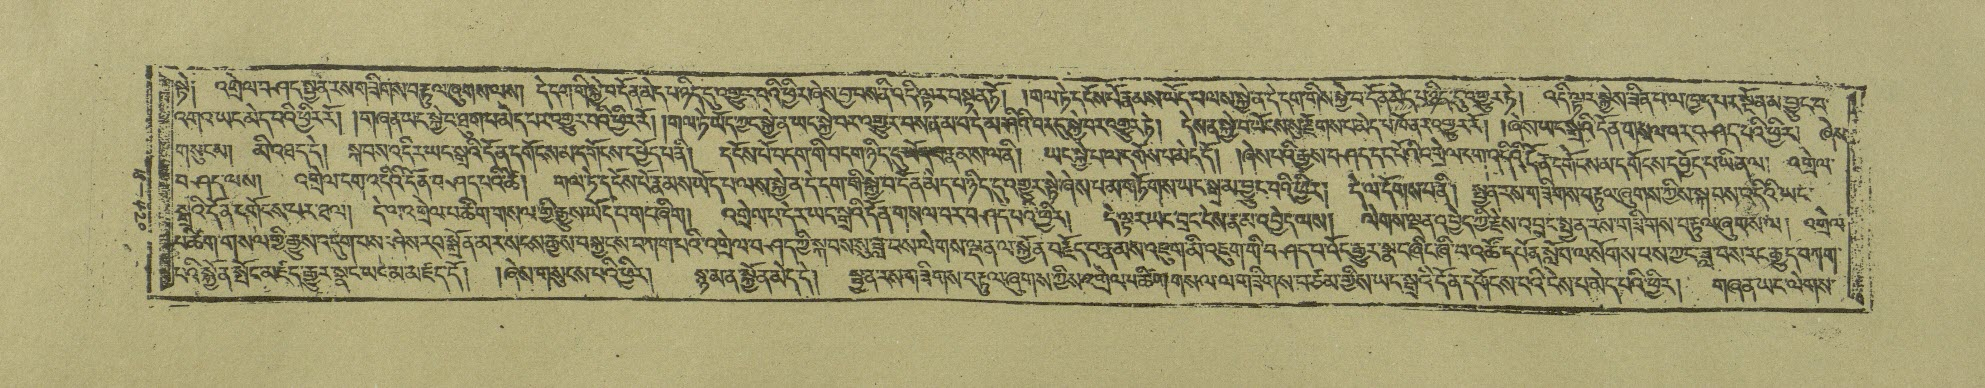སྟེ། འགྲེལ་བཤད་སྤྱན་རས་གཟིགས་བརྟུལ་བཞུགས་ལས། དེ་དག་གི་སྐྱེ་བ་དོན་མེད་པ་ཉིད་དུ་འགྱུར་བའི་ཕྱིར་ཞེས་བྱ་བས་ནི་འདི་ལྟར་བསྟན་ཏོ། །གལ་ཏེ་དངོས་པོ་རྣམས་ཡོད་པ་ལས་སྐྱེ་ན་དེ་དག་གིས་སྐྱེ་བ་དོན་མེད་པ་ཉིད་དུ་འགྱུར་ཏེ། འདི་ལྟར་སྐྱེས་ཟིན་པ་ལ་ཁྱད་པར་སྔོན་མ་བྱུང་བ་
འགའ་ཡང་མེད་པའི་ཕྱིར་རོ། །གཞན་ཡང་སྐྱེ་བ་ཐུག་པ་མེད་པར་འགྱུར་བའི་ཕྱིར་རོ། །གལ་ཏེ་ཡོད་ཀྱང་སྐྱེ་ན་ཡང་སྐྱེ་བར་འགྱུར་བས་རྣམ་པ་དེ་མ་ཤིའི་བར་དུ་སྐྱེ་བར་འགྱུར་ཏེ། དེས་ན་སྐྱེ་བ་ཡོངས་སུ་རྫོགས་པ་མེད་པ་ཁོ་ནར་འགྱུར་རོ། །ཞེས་ཡང་སྒྲའི་དོན་གསལ་བར་བཤད་པའི་ཕྱིར། ཞེས་
གསུངས། མི་འཐད་དེ། སྐབས་འདིར་ཡང་སྒྲའི་དོན་དགོངས་མ་དགོངས་དཔྱོད་པ་ནི། དངོས་པོ་བདག་གི་བདག་ཉིད་དུ་ཡོད་པ་རྣམས་ལ་ནི། ཡང་སྐྱེ་པ་ལ་དགོས་པ་མེད་དོ། །ཞེས་པའི་རྒྱས་བཤད་དང་པོའི་འགྲེལ་ངག་འདིའི་དོན་དགོངས་མ་དགོངས་དཔྱོད་པ་ཡིན་ལ། འགྲེལ་
བཤད་ལས། འགྲེལ་ངག་འདིའི་དོན་བཤད་པའི་ཚེ། གལ་ཏེ་དངོས་པོ་རྣམས་ཡོད་པ་ལས་སྐྱེ་ན་དེ་དག་གི་སྐྱེ་བ་དོན་མེད་པ་ཉིད་དུ་འགྱུར་སྟེ་ཞེས་པ་མ་གཏོགས་ཡང་སྒྲ་མ་བྱུང་བའི་ཕྱིར། དེ་ལ་དོགས་པ་ནི། སྤྱན་རས་གཟིགས་བརྟུལ་ཞུགས་ཀྱིས་སྐབས་འདིའི་ཡང་
སྒྲའི་དོན་དགོངས་པར་ཐལ། དེ་ལ་འགྲེལ་པ་ཚིག་གསལ་གྱི་རྒྱུས་ཡོད་པ་གང་ཞིག །འགྲེལ་པ་དེར་ཡང་སྒྲའི་དོན་གསལ་བར་བཤད་པའི་ཕྱིར། དེ་ལྟར་ཡང་དྲང་ངེས་རྣམ་འབྱེད་ལས། ལེགས་ལྡན་འབྱེད་ཀྱི་རྗེས་འབྲང་སྤྱན་རས་གཟིགས་བ་རྟུལ་ཞུགས་ལ། འགྲེལ་
པ་ཚིག་གསལ་གྱི་རྒྱུས་འདུག་པས་ཤེས་རབ་སྒྲོན་མར་སངས་རྒྱས་བསྐྱངས་བཀག་པའི་འགྲེལ་བཤད་ཀྱི་སྐབས་སུ་ཟླ་བས་ལེགས་ལྡན་ལ་སྐྱོན་བརྗོད་པ་རྣམས་འཇུག་མི་འཇུག་གི་བཤད་པ་འོང་རྒྱུར་སྣང་ཞིང་ཞི་བ་འཚོ་དཔོན་སློབ་ལ་སོགས་པས་ཀྱང་ཟླ་བས་རང་རྒྱུད་བཀག་
པའི་སྐྱོན་སྤོང་མཛད་རྒྱུར་སྣང་ཡང་མ་མཛད་དོ། །ཞེས་གསུངས་པའི་ཕྱིར། སྙམ་ན་སྐྱོན་མེད་དེ། སྤྱན་རས་གཟིགས་བརྟུལ་ཞུགས་ཀྱིས་འགྲེལ་པ་ཚིག་གསལ་ལ་གཟིགས་པ་ཙམ་གྱིས་ཡང་སྒྲའི་དོན་དགོངས་པའི་ངེས་པ་མེད་པའི་ཕྱིར། གཞན་ཡང་ལེགས་